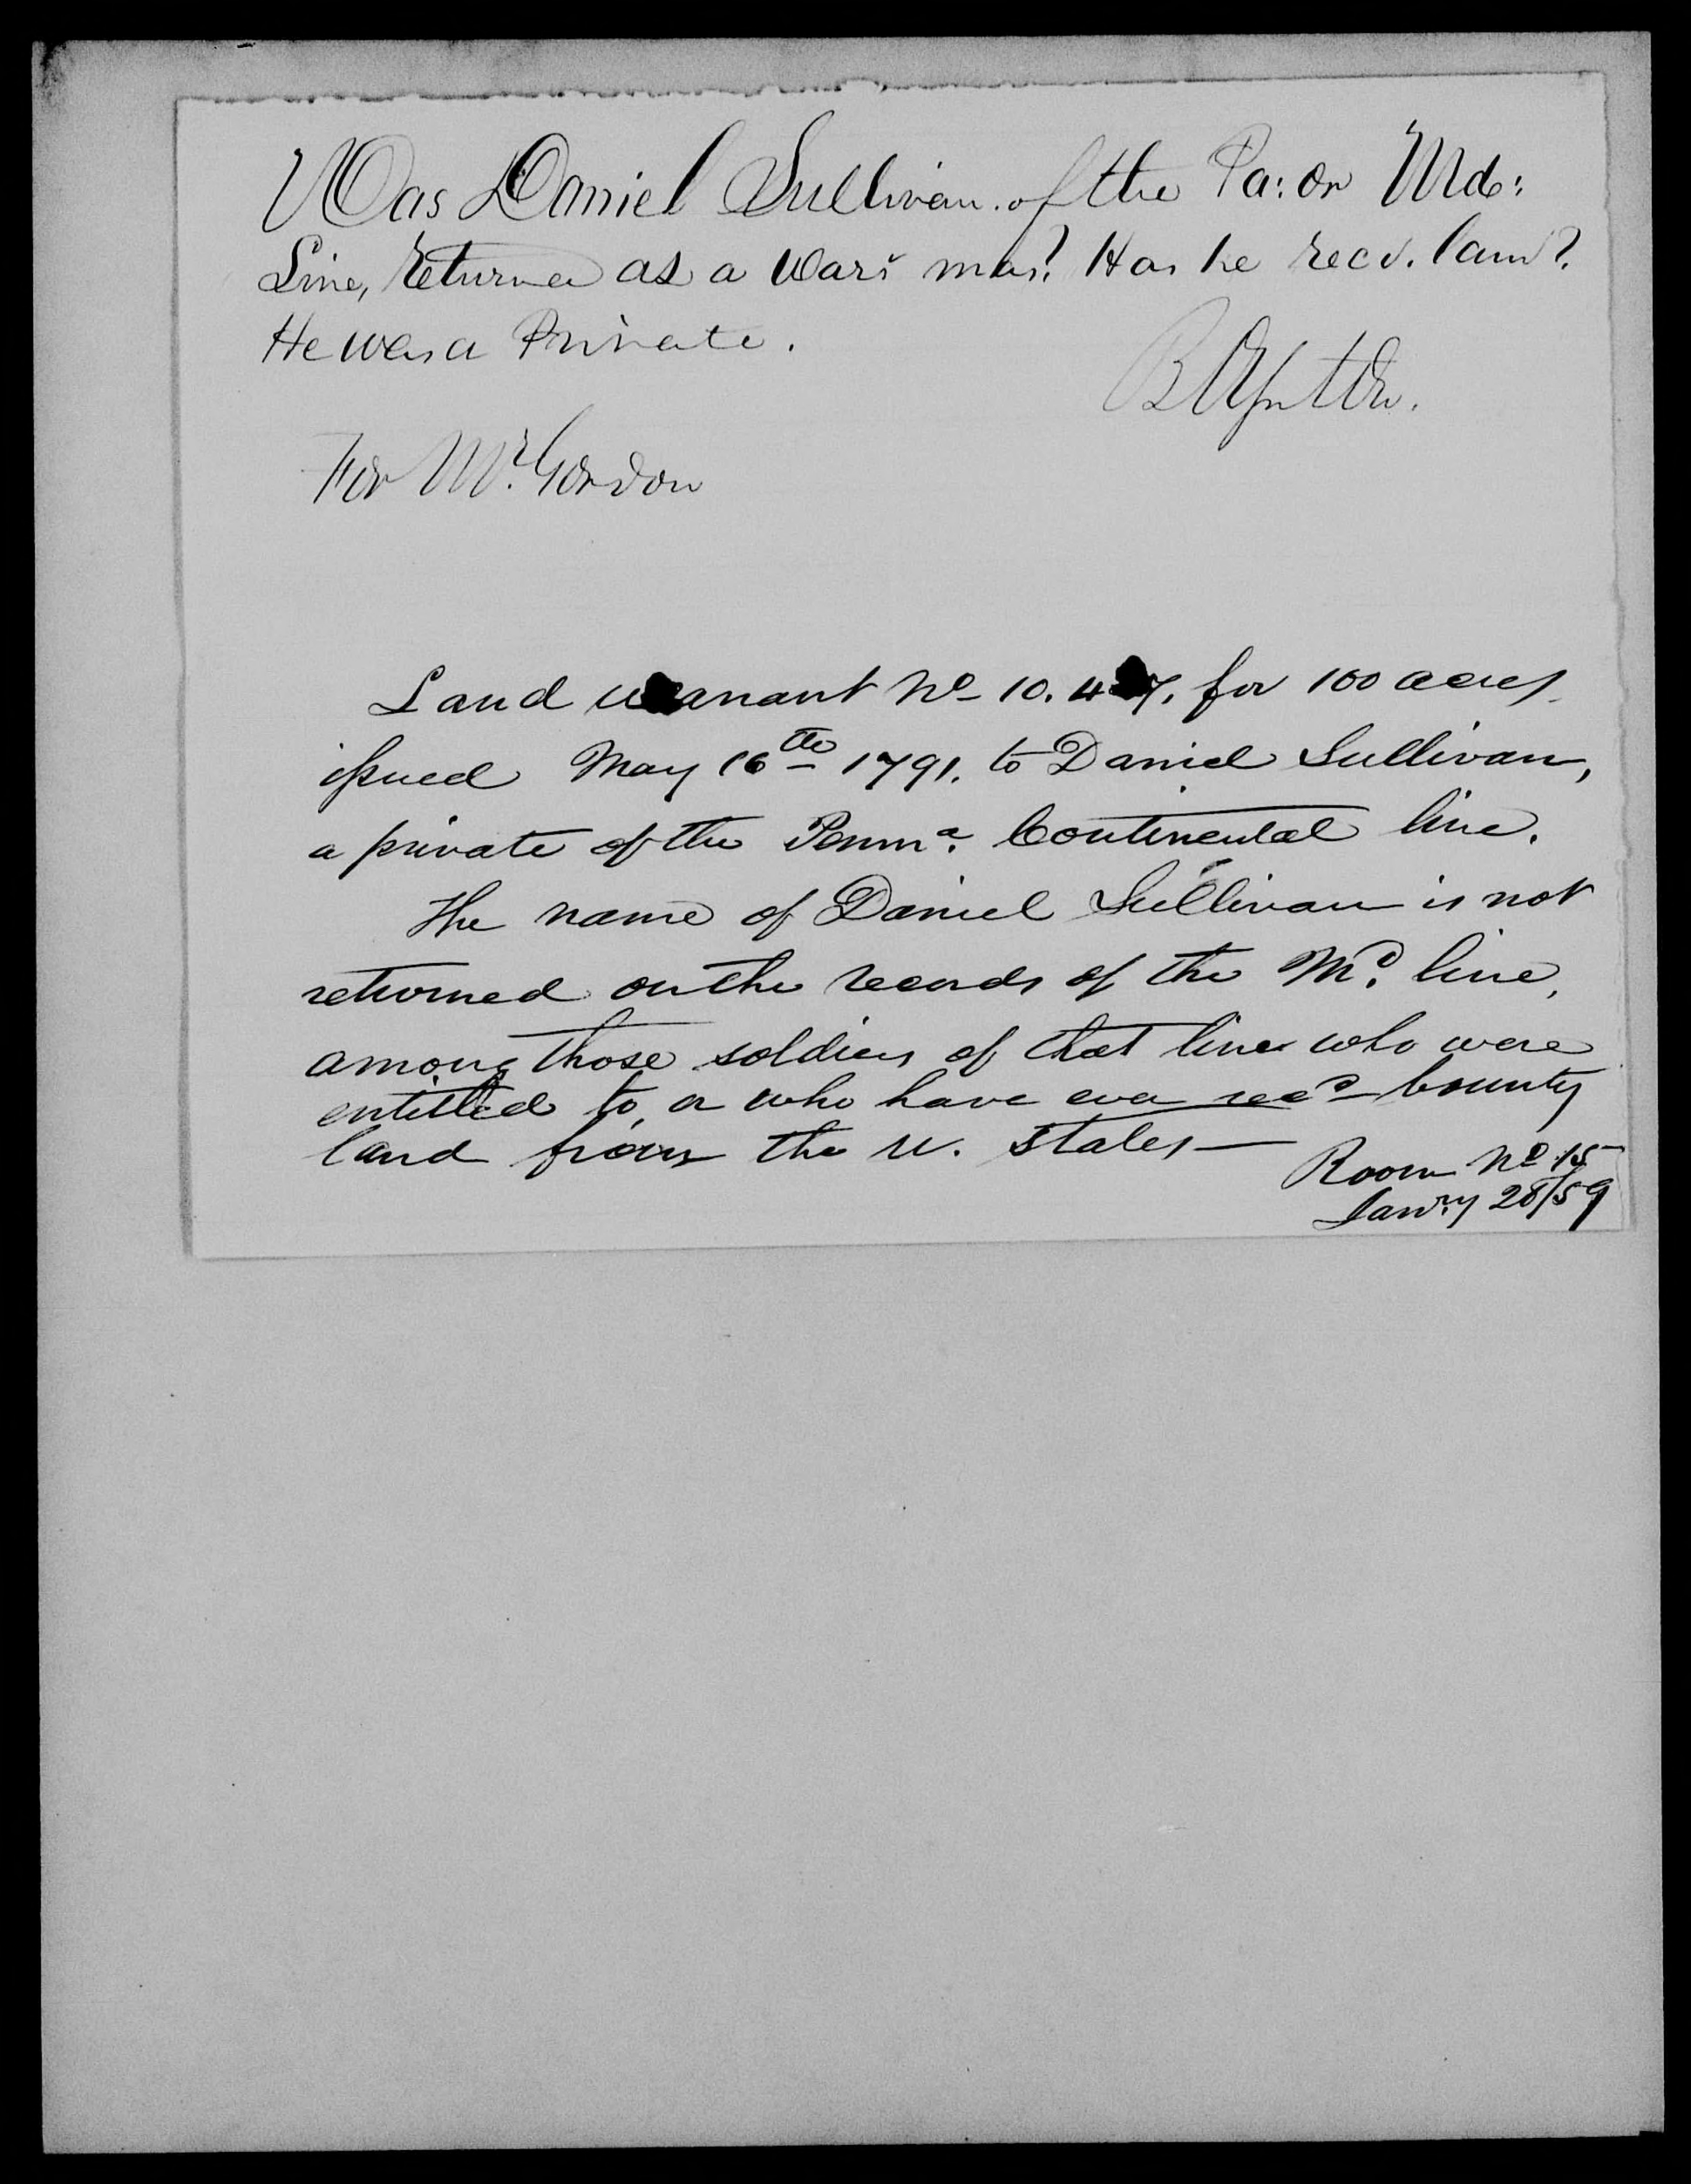Was Daniel Sullivan of the Pa. or Md. Line, returned as a war man? Has he recd. land? He was a private.

[signed] Boynton

For Mr. Gordon

Land warrant no 10,4[?]7, for 100 acres issued May 16th 1791, to Daniel Sullivan, a private of the Penna. Continental line.

The name of Daniel Sullivan is not returned on the records of the Md. line, among those soldiers of that line who were entitled to or who have ever recd bounty land from the U. States--

Room No 15
Janry 28/59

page: 38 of 78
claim: widow's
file: W. 25,169, for Daniel Sullivan, Maryland